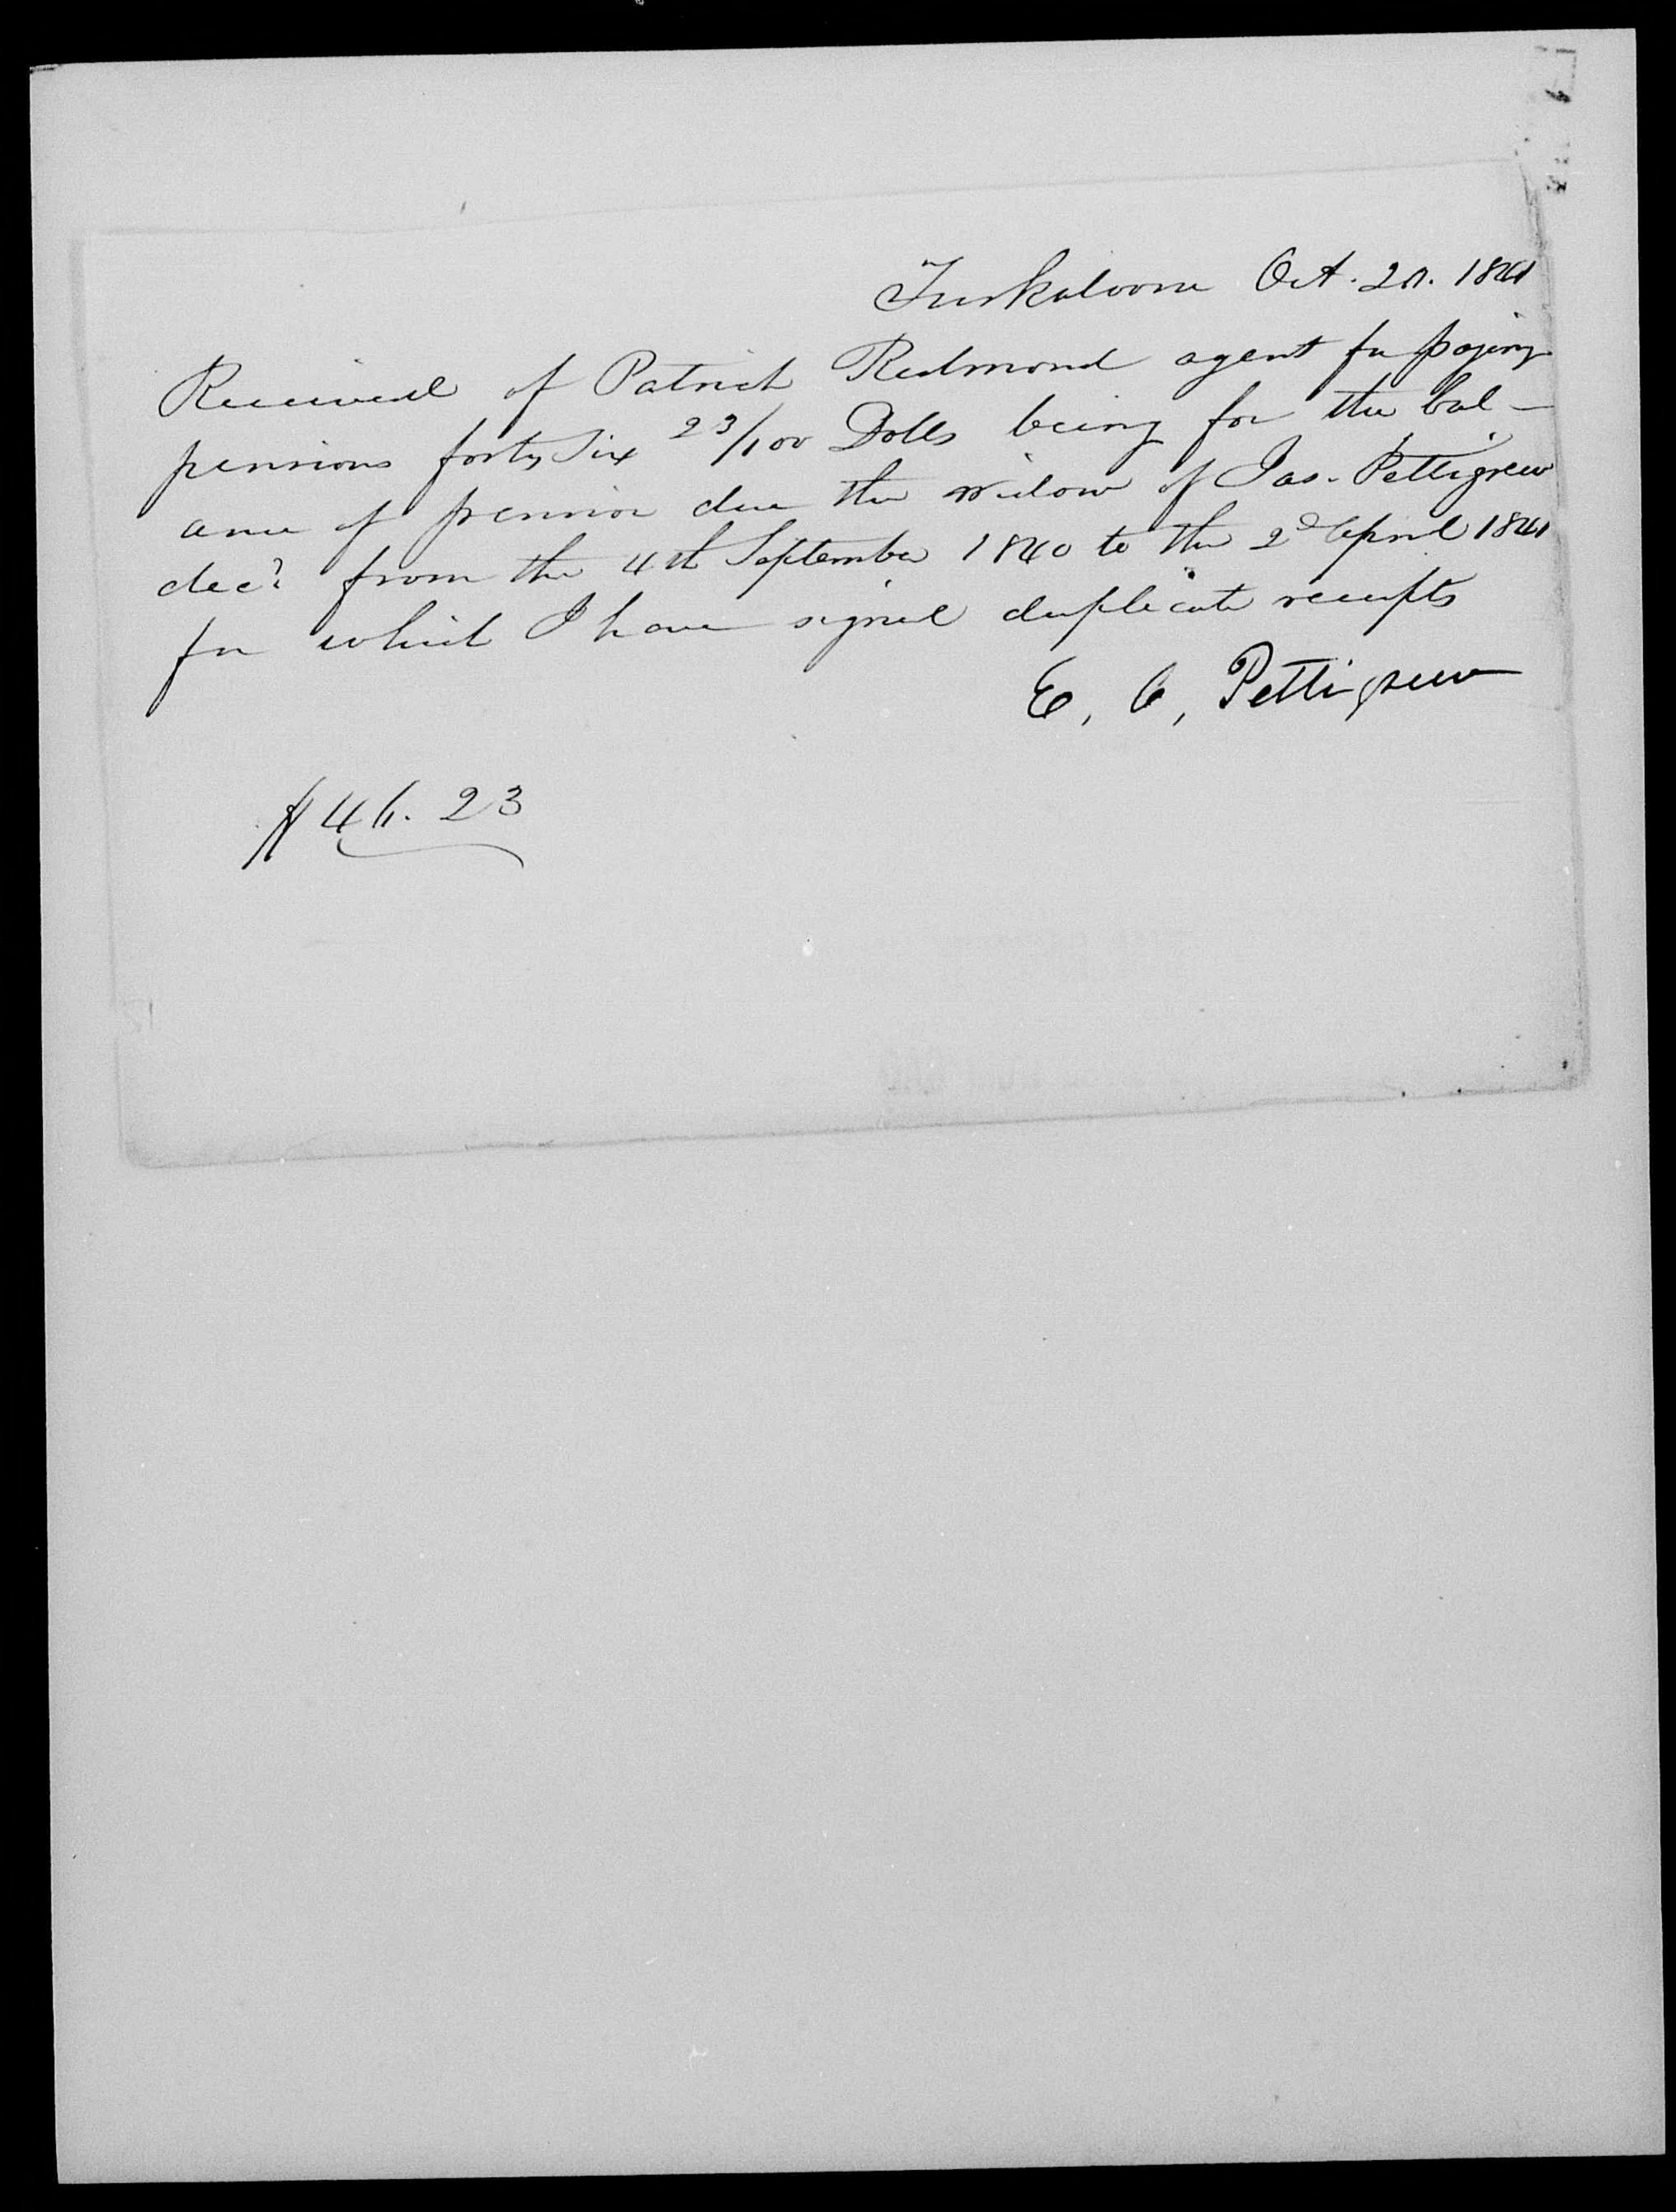Tuscaloosa Oct. 20 1861
Residence of Patrick Redmond agent for paying pensions forty six 13/100 Dolls being for the [illegible] of pension due the widow of Jas. Pettigrew due? From the 4th September 1840 to the 2 April 1841 for which I  have signed dept at Reeds
E. C. Pettigrew

$41. 23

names: E C Pettigrew; Patrick Redmond; Jas Pettigrew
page: 12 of 92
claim: widow's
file: W. 5522, for James Pettigrew, South Carolina